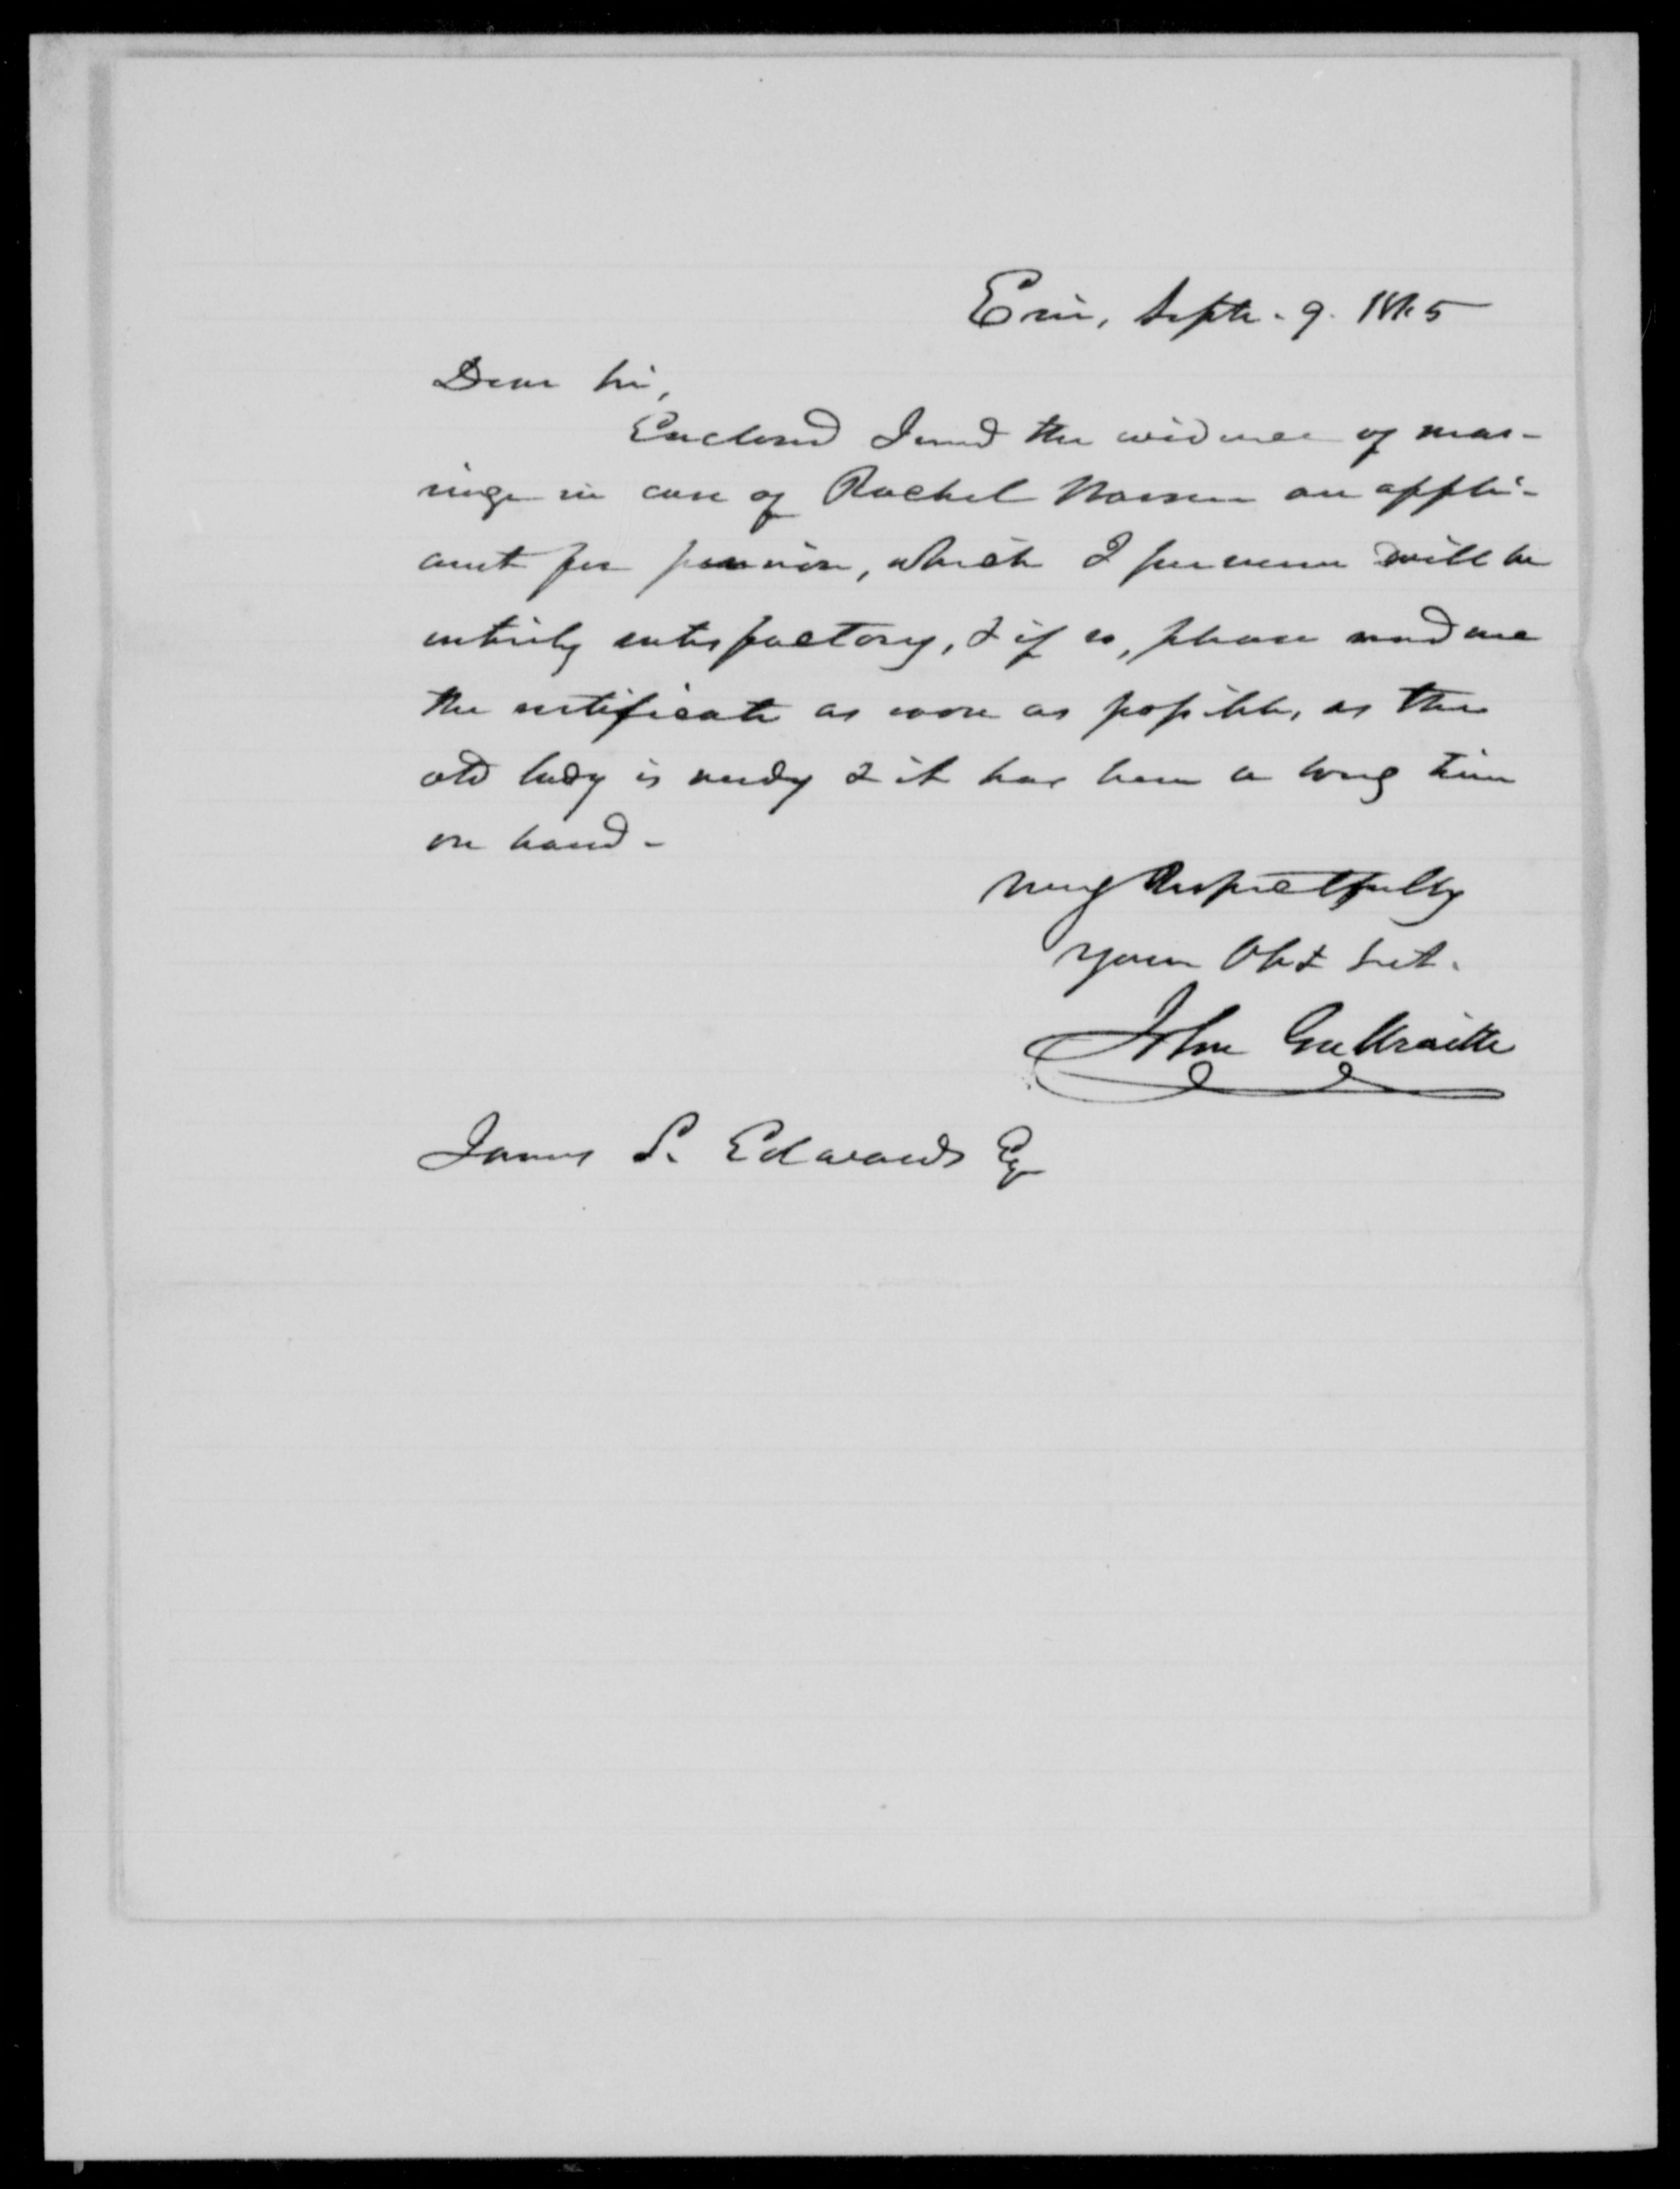Erie, Sept 9. 1845
Dear Sir
Enclosed find the evidence of mar-
ridge in case of Rachel Warner and appli-
cant for pension, which I presume will be
entirely satisfactory, and if so, please send me
the certificate as soon as possible, as this
old lady is needy and it has been a long time
on hand.
Very Respectfully
Your Obedient Servant
John Galbraith

James L. Edwards Esquire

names: John Galbraith, James L Edwards, Rachel Warner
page: 28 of 40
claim: widow's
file: W. 3742, Moses Warner, Conn.